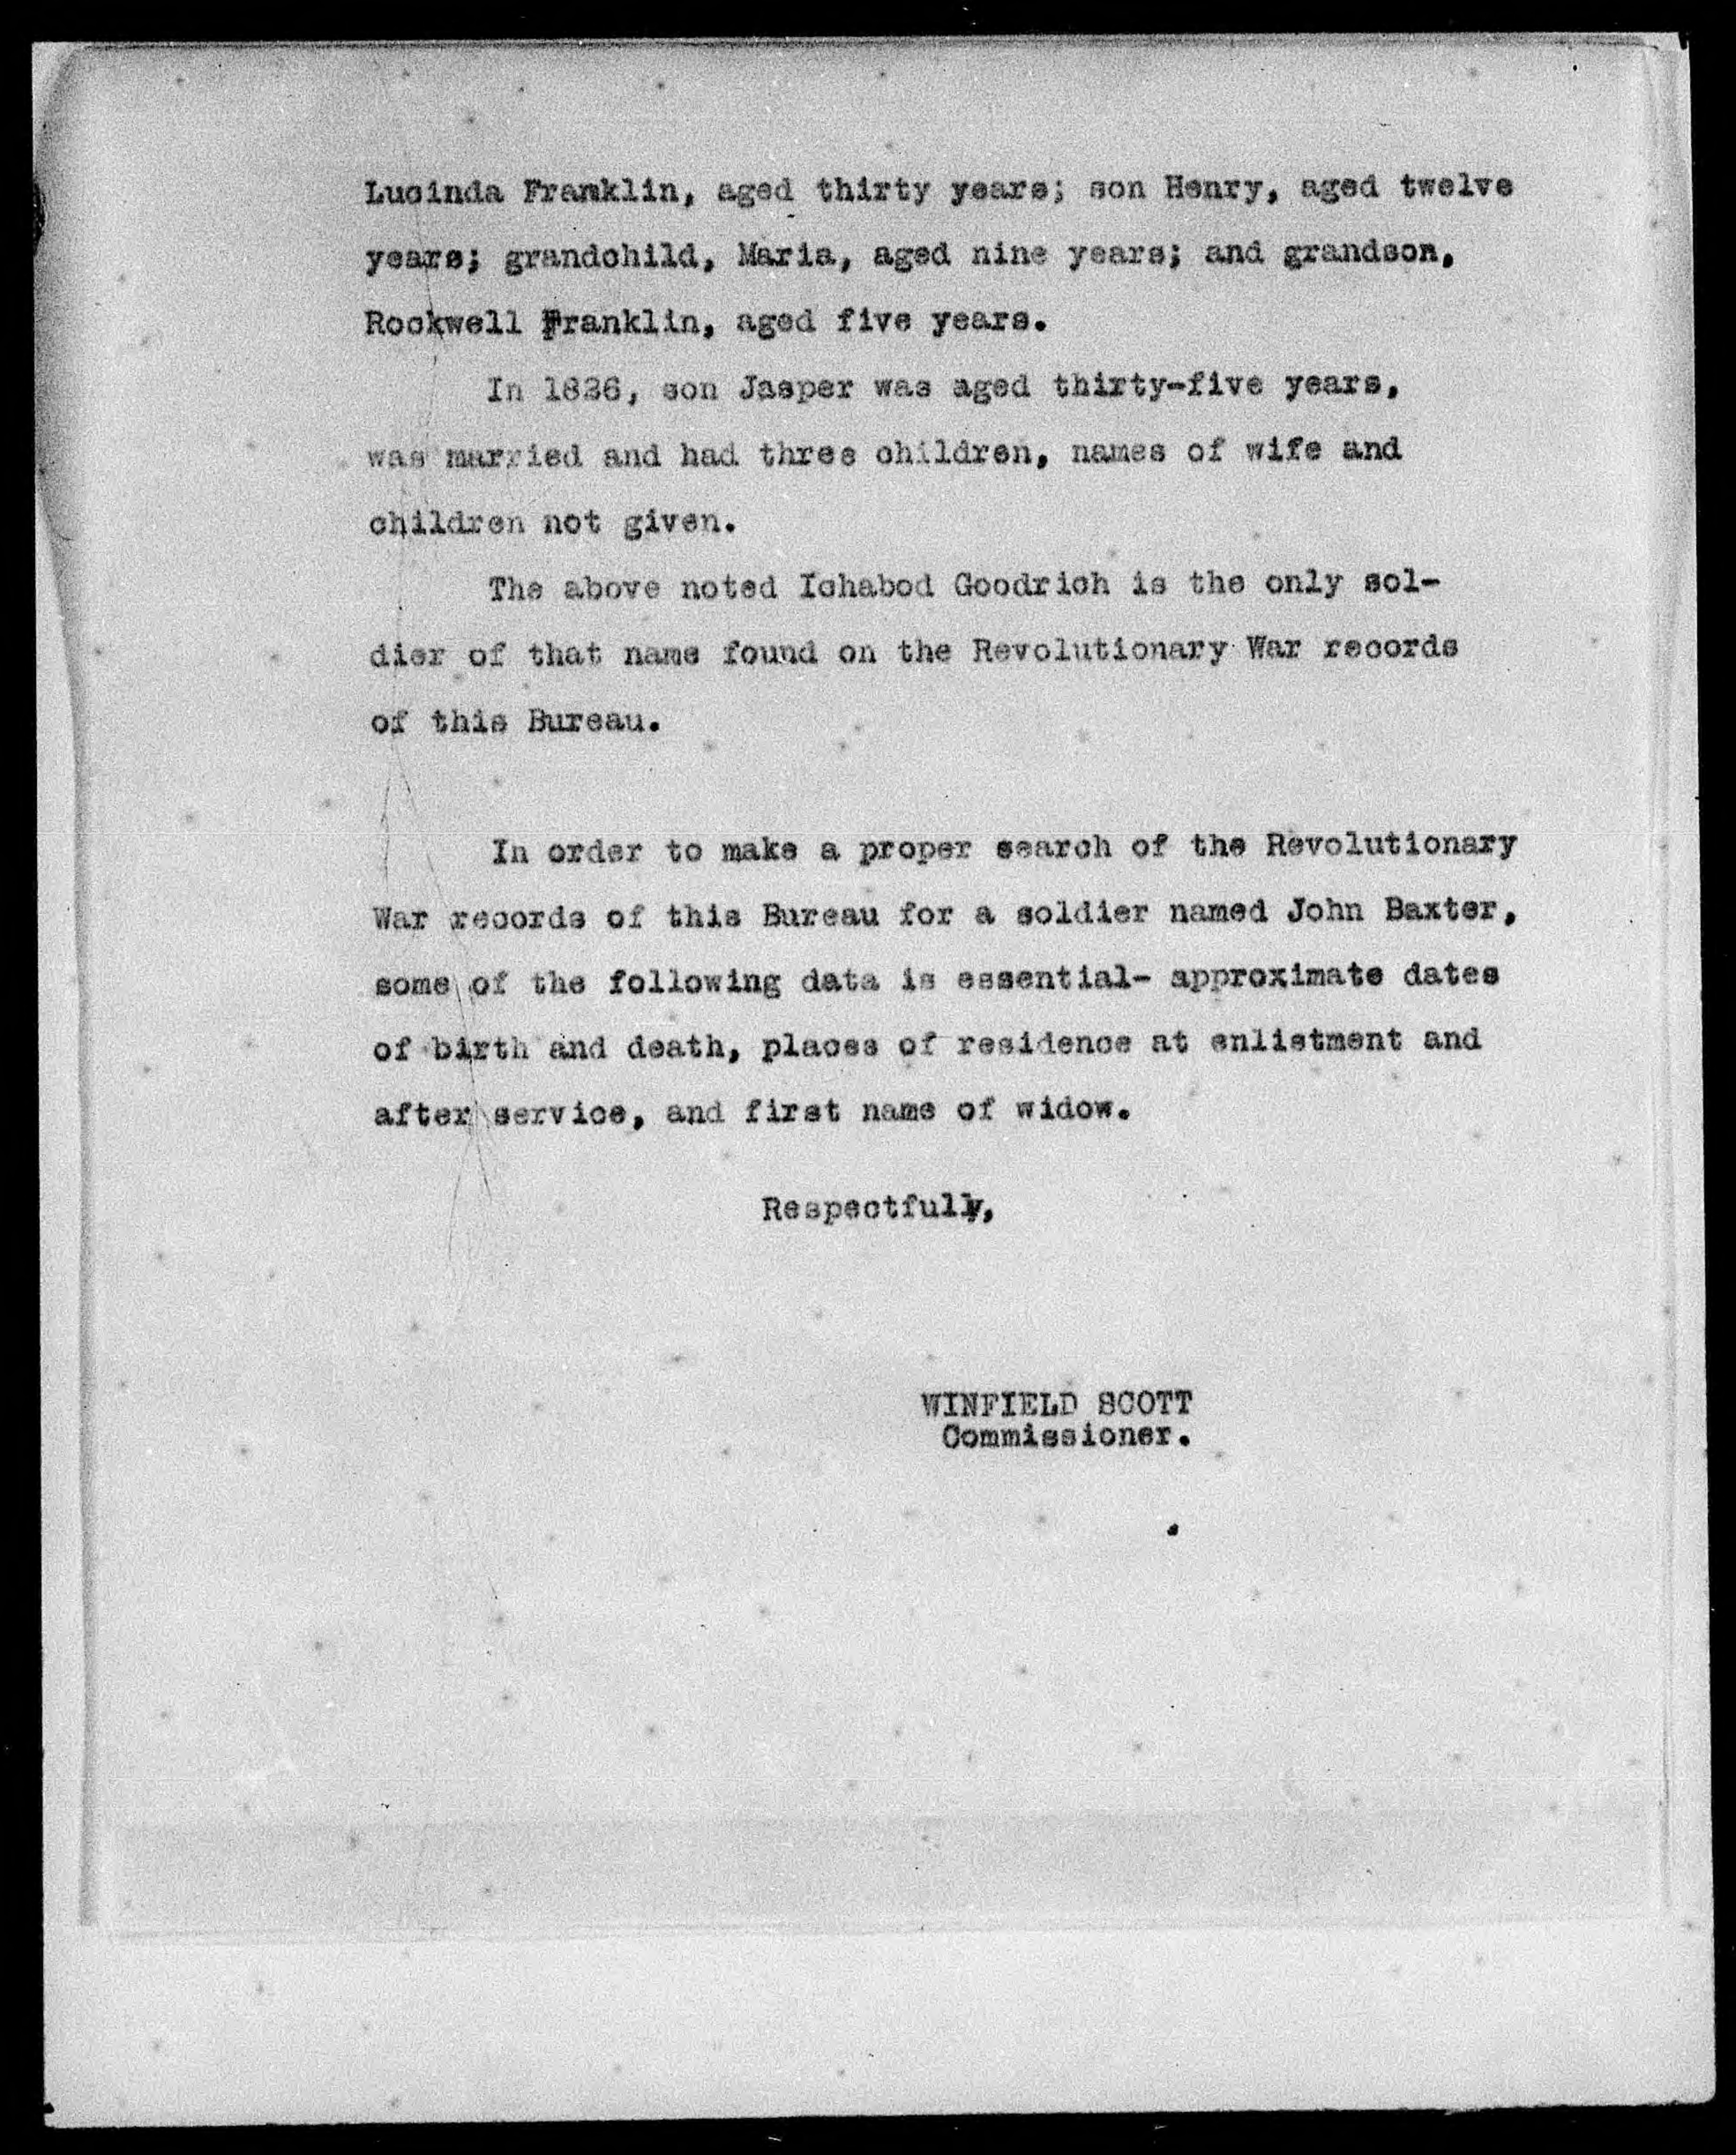Lucinda Franklin, aged thirty years; son Henry, aged twelve years; grandchild, Maria, aged nine years; and grandson, Rockwell Franklin, aged five years.
In 1836, son Jasper aged thirty-five years, was married and had three children, names of wife and children not given.
The above noted Ichabod Goodrich is the only soldier of that name found on the Revolutionary War records of this Bureau.

In order to make proper search of the Revolutionary War records of this Bureau for a soldier named John Baxter, some of the following data is essential - approximate dates of birth and death, places of residence at enlistment and after service, and first name of widow.
Respectfully,
WINFIELD SCOTT
Commissioner.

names: Henry, Ichabod Goodrich, Lucinda Franklin, Rockwell Franklin, John Baxter, Jasper, Maria, Winfield Scott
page: 13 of 46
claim: survivor's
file: S. 36,556, Ichabod Goodrich, Conn.